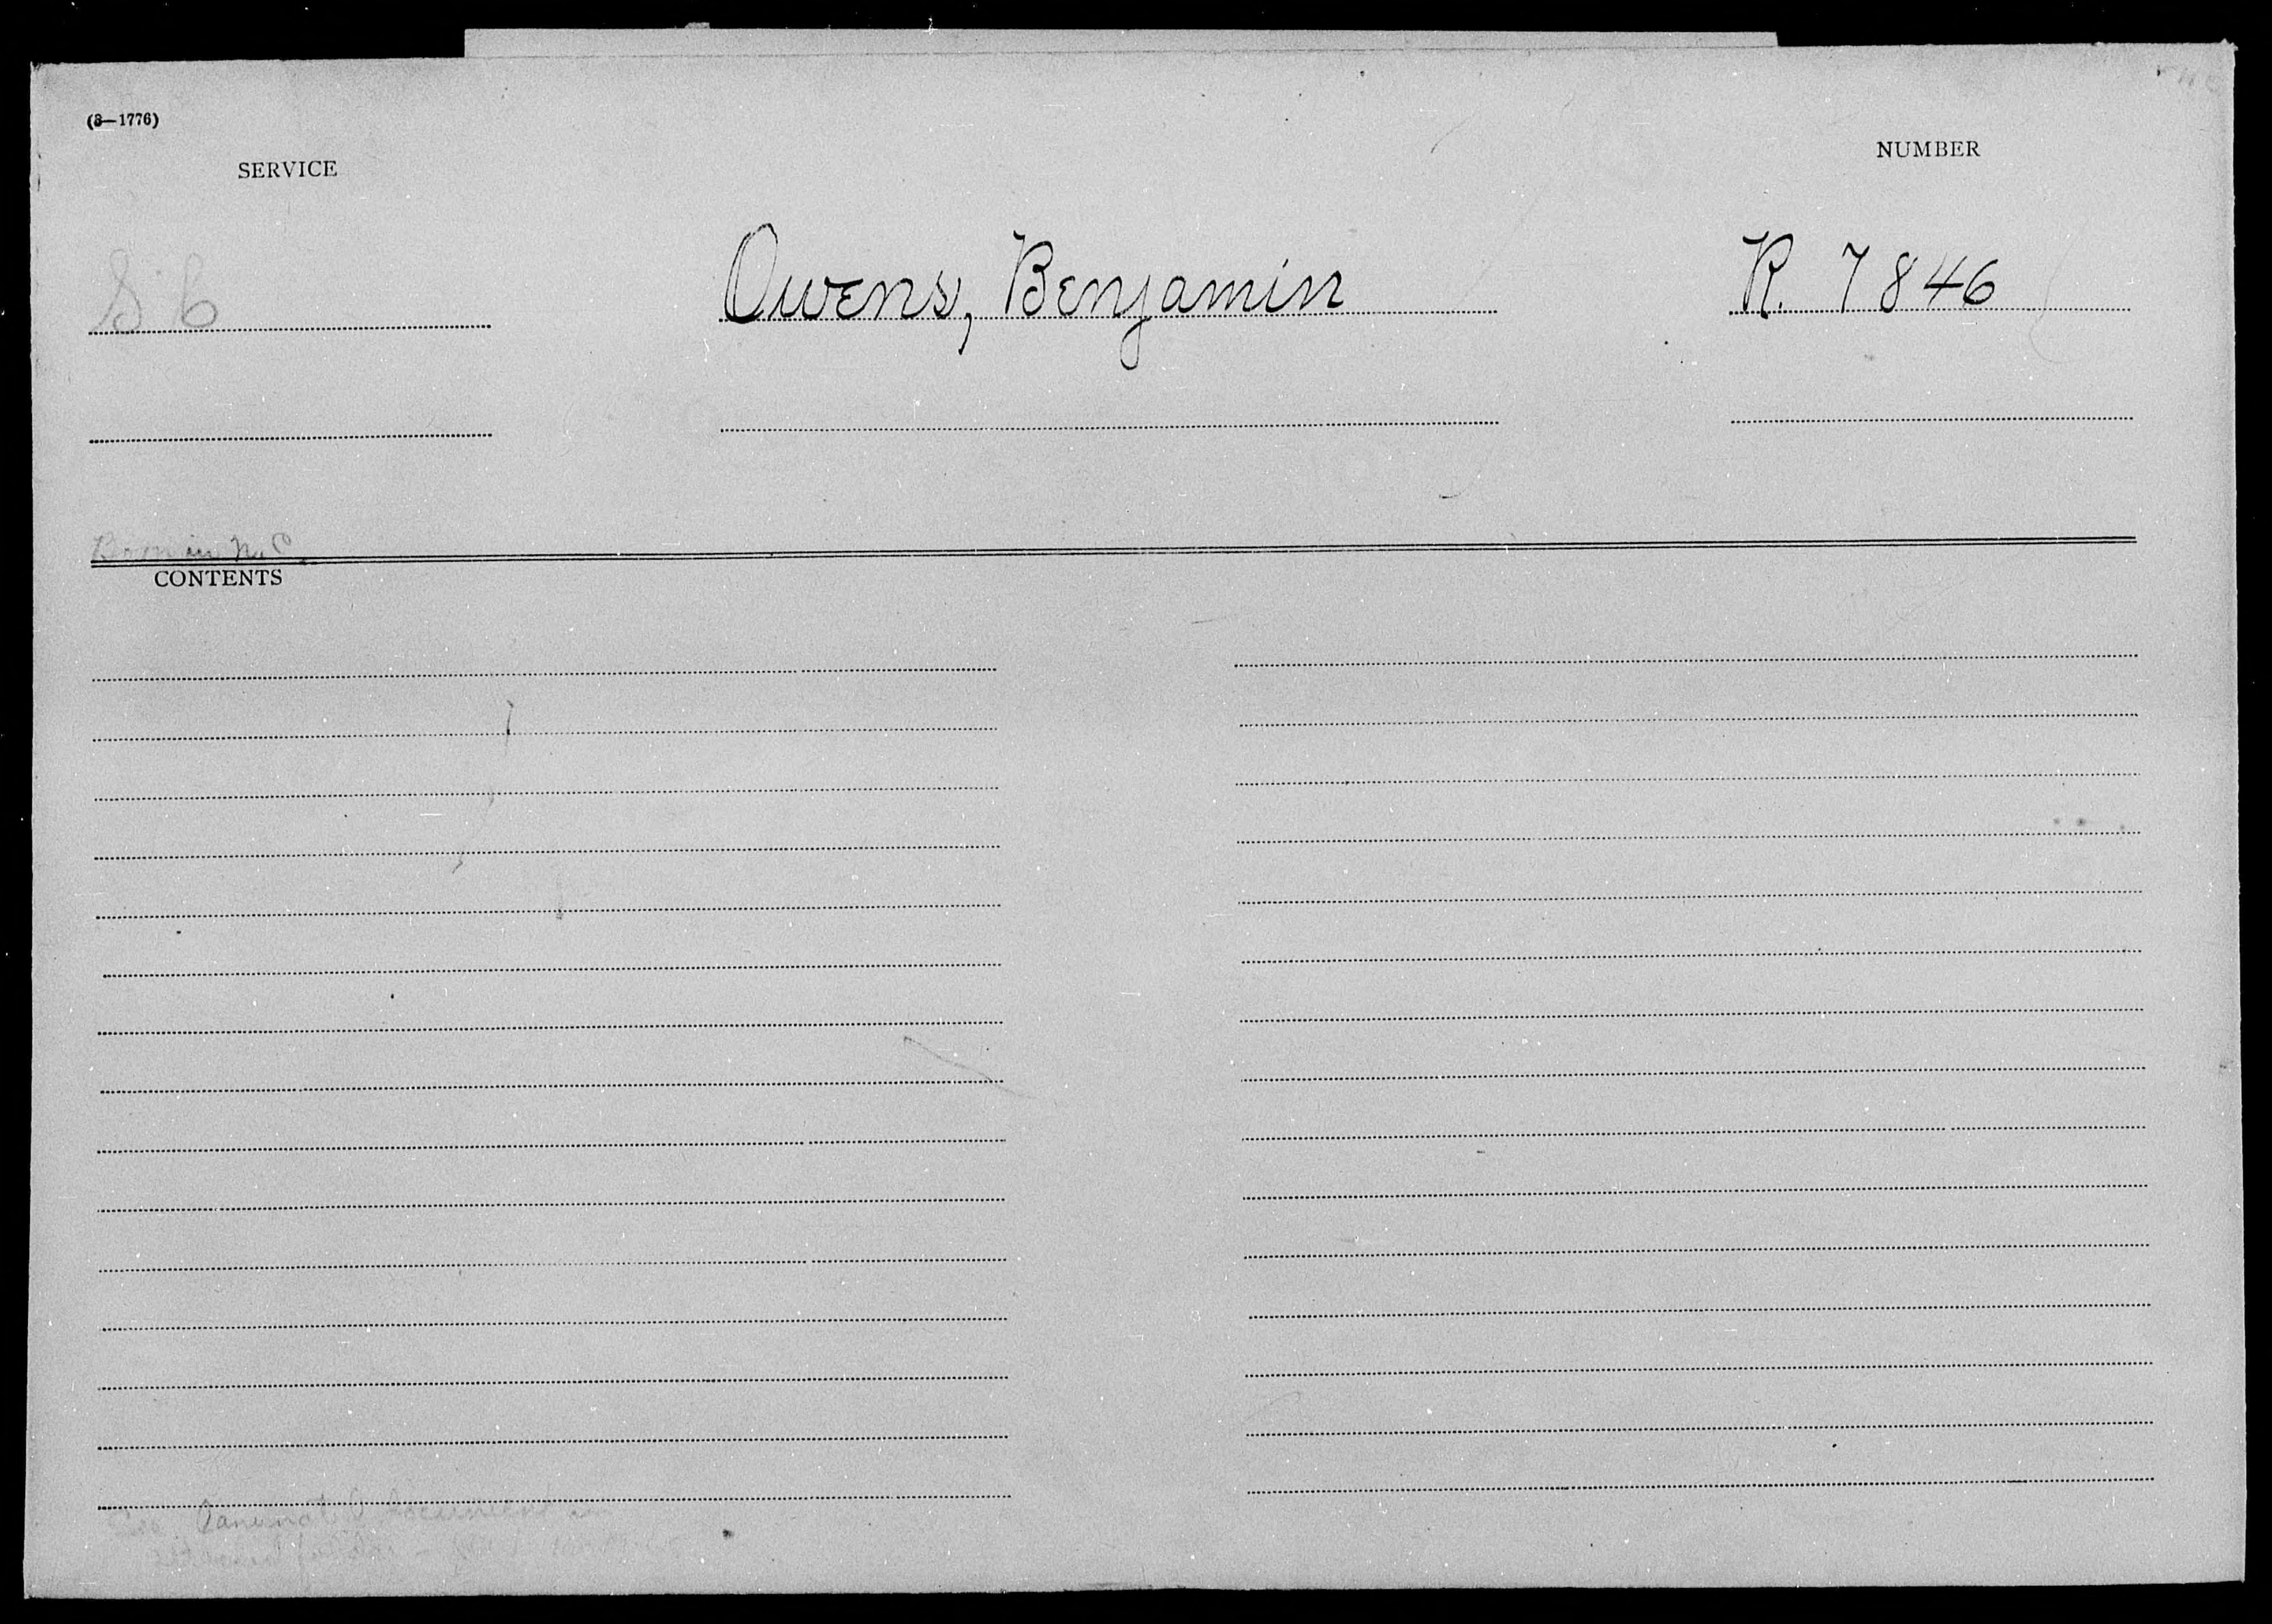(3-1776)
SERVICE |  | NUMBER
S.C. | Owens, Benjamin | R. 7846
CONTENTS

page: 1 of 28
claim: rejected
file: R. 7846, for Benjamin Owens, South Carolina